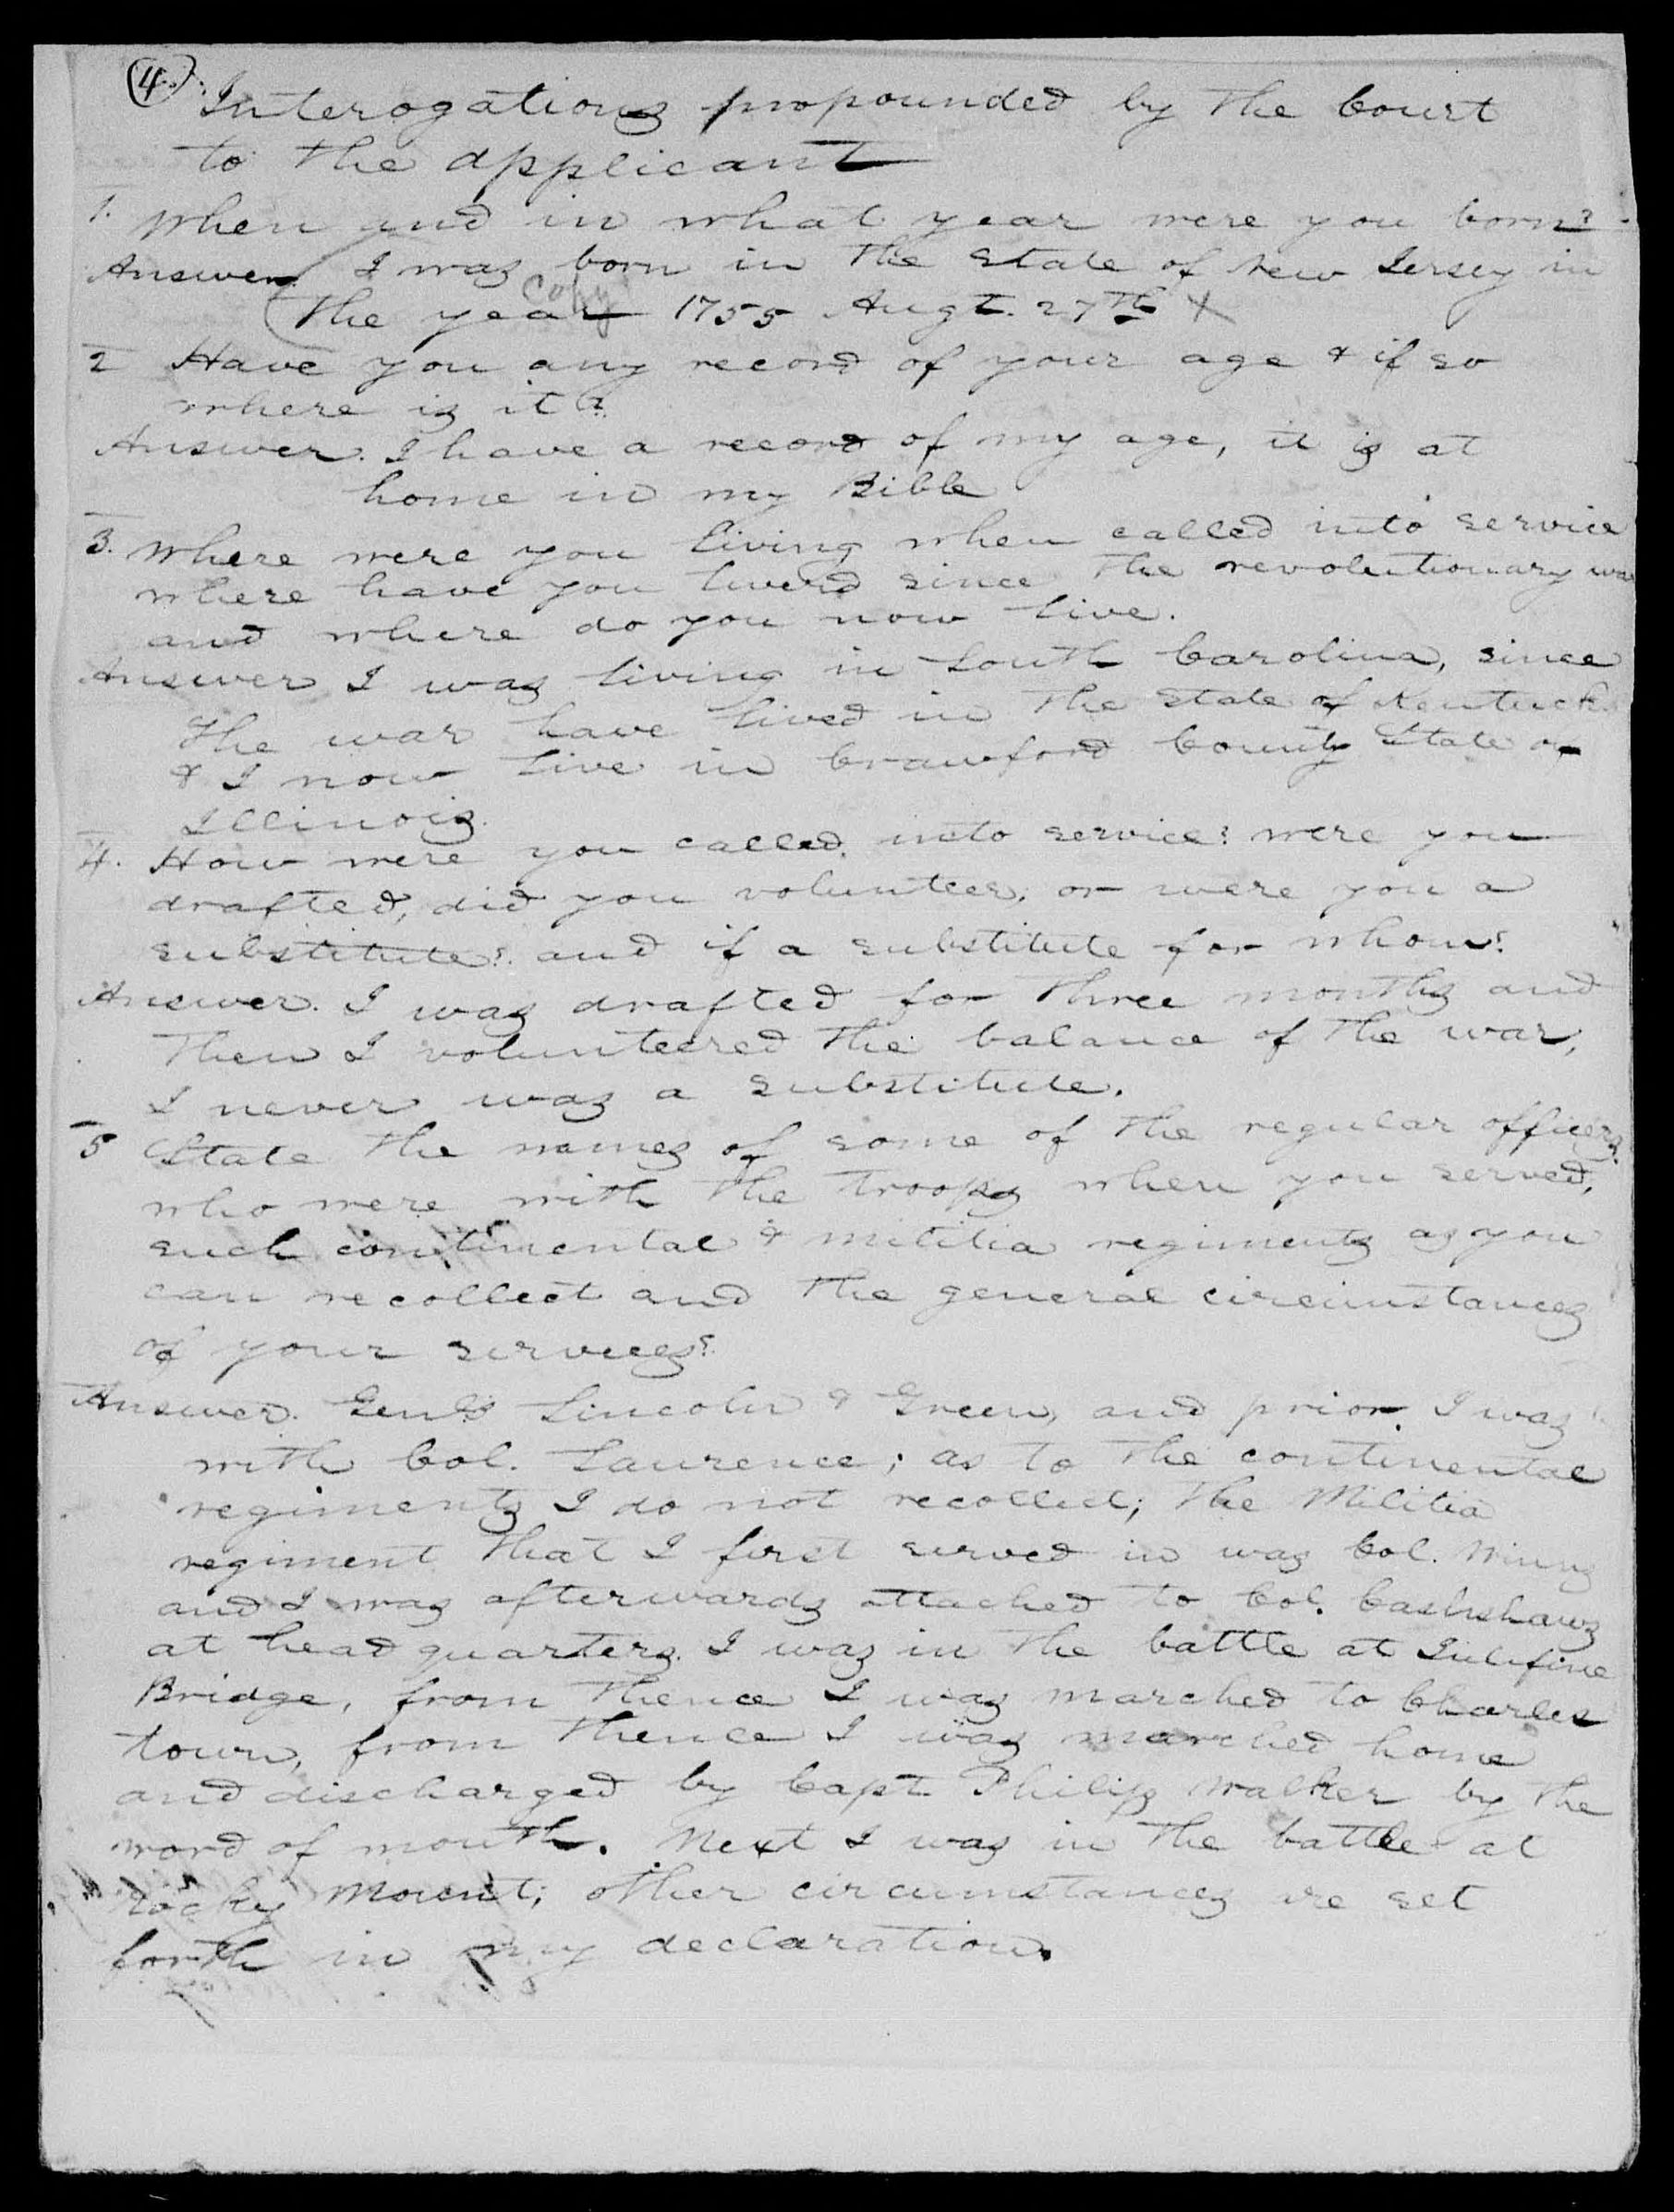(4) Interrogations propounded by the Court to the applicant . 1. Where and in what year were you born ? Answer. I was born in the  State of New Jersey  in the year  1755  August 27th 
2. Have you any record of your age & if so where is it ? Answer. I have a record of my  age , it is at home in my Bible. 3. Where were you living when called into service, where have you lived since the revolutionary war and where do you now live? Answer. I was living in South Carolina, since the war have lived in the State of Kentucky & I now live in Crawford County  State of Illinois. 4. How were you called into service : where you  drafted, did you volunteer, or were you a substitute, and if a substitute for whom ? Answer. I was drafted for three months and then I volunteered the balance of the war. I never was a substitute. 5. State the names of some of the regular officers who were with the troops when you served. Answer. Genl. [Benjamin]  Lincoln  & Green [Nathanael Greene], and prior I was with Col. Lawrence [John Laurens]; as to the continental regiments I do not recollect ; the militia regiment that I first served in was  Col. [Richard] Winn's and I was afterwards  attached to  Col. [Joseph Kershaw] Cashshaw's at head quarters . I was in the battle at Tulafine Bridge [Skirmish at Tulifinney Bridge], from thence I was marched to Charlestown, from thence I was marched home and discharged by Capt. Philip Walker by the word of mouth . Next I was in the battle at Rocky Mount ; other circumstances are set forth in my declaration.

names: Cashshaw, Philip Walker, Winns, Lincoln, Lawrence, Green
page: 10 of 44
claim: survivor's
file: S. 31,061, Thomas Gill, S.C.